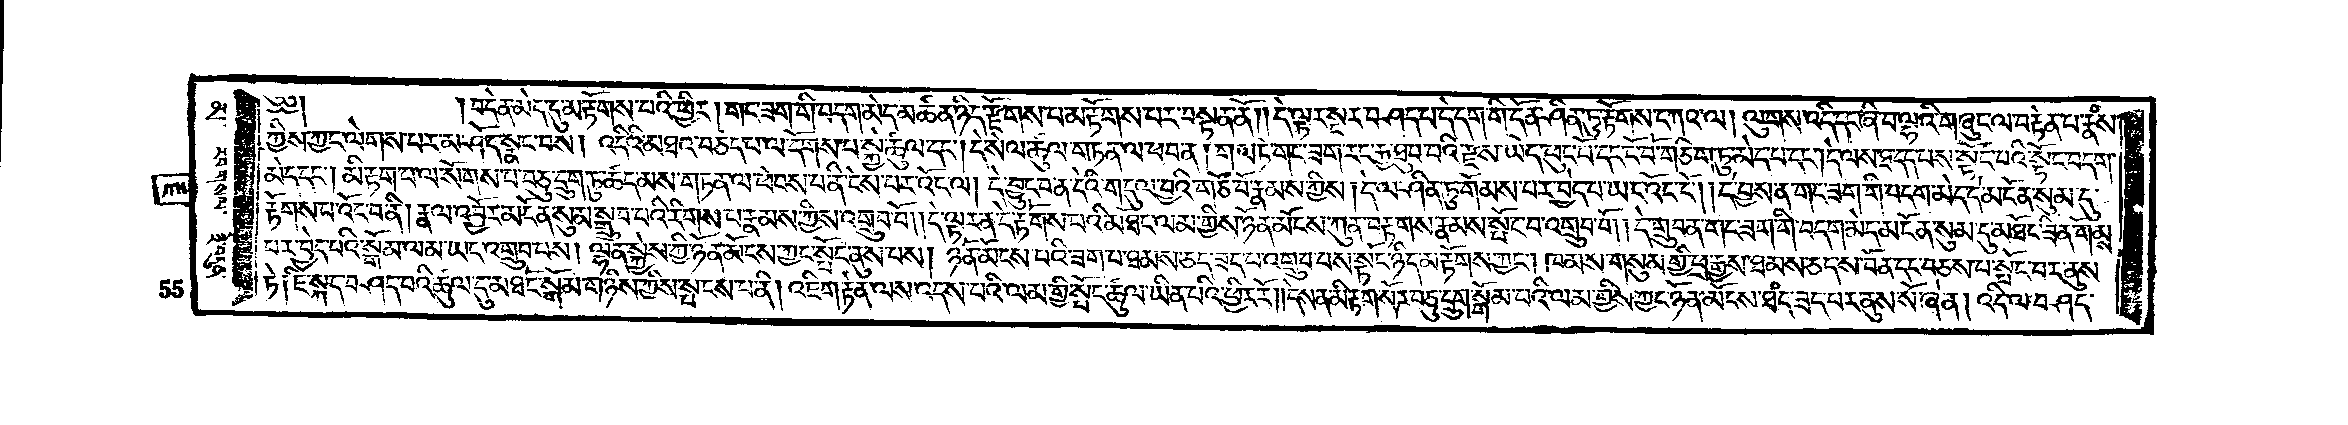༄༅། །བདེན་མེད་དུ་མ་རྟོགས་པའི་ཕྱིར། གང་ཟག་གི་བདག་མེད་མཚན་ཉིད་རྫོགས་པ་མ་རྟོགས་པར་བསྟན་ནོ། །དེ་ལྟར་སྔར་བཤད་པ་དེ་དག་གི་དོན་ཤིན་ཏུ་རྟོགས་དཀའ་ལ། ལུགས་འདི་དང་ཞི་བ་ལྷའི་གཞུང་ལ་བརྟེན་པ་རྣམས་
ཀྱིས་ཀྱང་ལེགས་པར་མ་ཤོད་སྣང་བས། འདིའི་མཐའ་བཅད་པ་ལ་དོགས་པ་སྐྱེ་ཚུལ་དང་། དེ་སིལ་ཚུལ་གཏན་ལ་ཕབ་ན། གལ་ཏེ་གང་ཟག་རང་རྐྱ་ཐུབ་པའི་རྫས་ཡོད་ཕུང་པོ་དང་ངོ་བོ་གཅིག་ཏུ་མེད་པ་དང་། དེ་ལས་ཐ་དད་པས་སྟོང་པའི་སྟོང་བདག་
མེད་དང་། མི་རྟག་པ་ལ་སོགས་པ་བཅུ་དྲུག་ཏུ་ཚད་མས་གཏན་ལ་ཕེབས་པ་ནི་ངེས་པར་འོང་ལ། དེ་བྱུང་བ་ན་དེའི་གདུལ་བྱའི་གཙོ་བོ་རྣམས་ཀྱིས། དེ་ལ་ཤིན་ཏུ་གོམས་པར་བྱེད་པ་ཡང་འོང་ངོ། །དེ་བྱས་ན་གང་ཟག་གི་བདག་མེད་དེ་མངོན་སུམ་དུ་
རྟོགས་པ་འོང་བ་ནི། རྣལ་འབྱོར་མངོན་སུམ་སྒྲུབ་པའི་རིགས་པ་རྣམས་ཀྱིས་འགྲུབ་བོ། །དེ་ལྟར་ན་དེ་རྟོགས་པའི་མཐོང་ལམ་གྱིས་ཉོན་མོངས་ཀུན་བརྟགས་རྣམས་སྤོང་བ་འགྲུབ་བོ། །དེ་གྲུབ་ན་གང་ཟག་གི་བདག་མེད་མངོན་སུམ་དུ་མཐོང་ཟིན་གོམས་
པར་བྱེད་པའི་སྒོམ་ལམ་ཡང་འགྲུབ་པས། ལྷན་སྐྱེས་ཀྱི་ཉོན་མོངས་ཀྱང་སྤོང་ནུས་པས། ཉོན་མོངས་པའི་ཟག་པ་ཐམས་ཅད་ཟད་པ་འགྲུབ་པས་སྟོང་ཉིད་མ་རྟོགས་ཀྱང་། ཁམས་གསུམ་གྱི་ཕྲ་རྒྱས་ཐམས་ཅད་ས་བོན་དང་བཅས་པ་སྤོང་བར་ནུས་
ཏེ། ཇི་སྐད་བཤད་པའི་ཚུལ་དུ་མཐོང་སྒོམ་གཉིས་ཀྱིས་སྤངས་པ་ནི། འཇིག་རྟེན་ལས་འདས་པའི་ལམ་གྱི་སྤོང་ཚུལ་ཡིན་པའི་ཕྱིར་རོ། །དེས་ན་མི་རྟག་སོར་བཅུ་དྲུག་སྒོམ་པའི་ལམ་གྱིས་ཀྱང་ཉོན་མོངས་ཐམས་ཅད་ཟད་པར་ནུས་སོ་ཞེ་ན། འདི་ལ་བཤད་